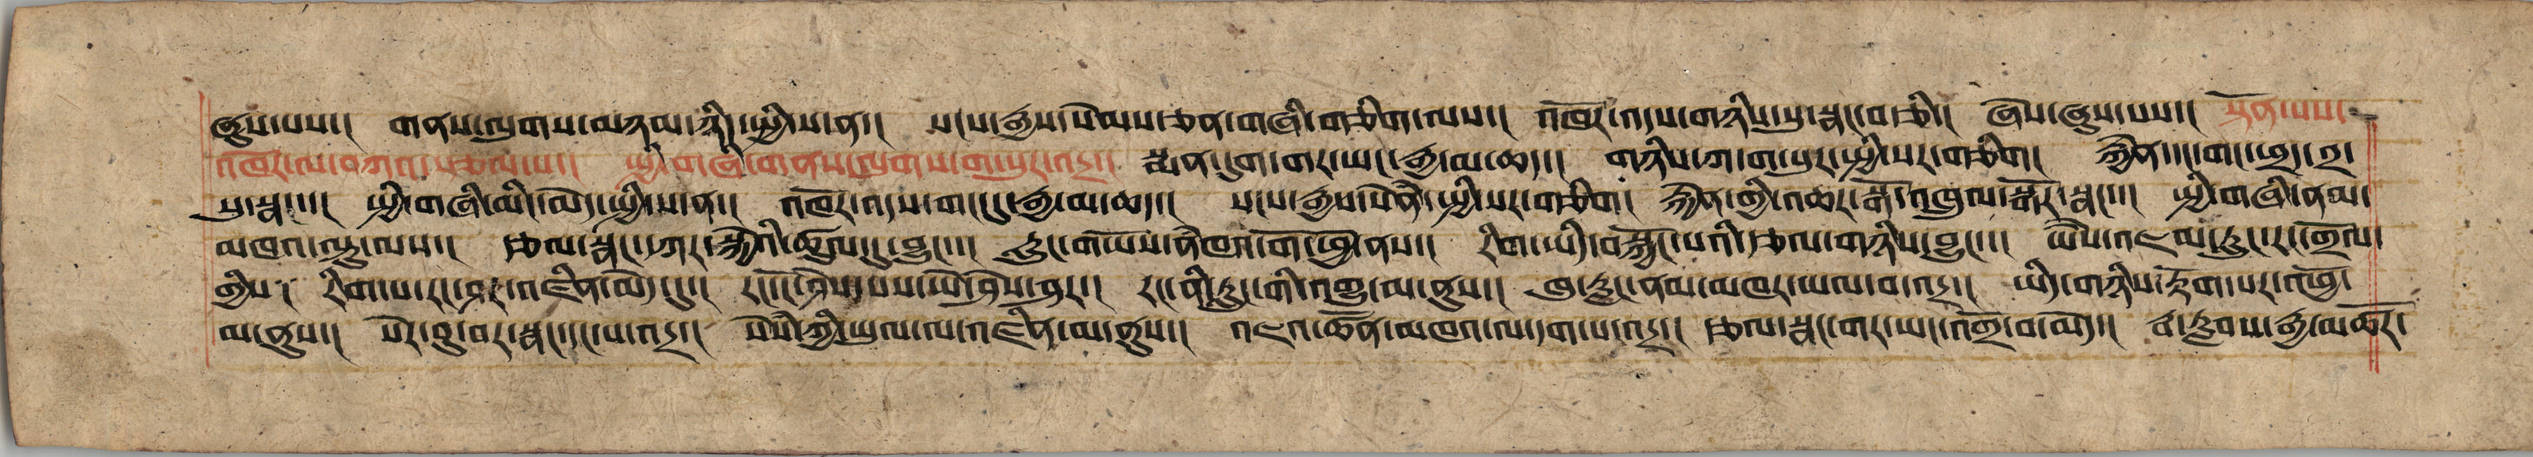ཞུས་པས་། གནས་ལུགས་མཉམ་ཉིད་སྤྱི་ས་ན་། སངས་རྒྱས་སེམས་ཅན་གཞི་གཅིག་ལས་། འཁོར་འདས་གཉིས་སུ་སྣང་བ་ཅི་། ཞེས་ཞུས་པས་། སྟོན་པས་
འཁོར་ལ་བཀའ་སྩལ་པ་། སྤྱི་གཞི་གནས་ལུགས་ག་པུར་འདྲ་། སྨན་དུག་གར་ཡང་རྒྱ་མ་ཆད་། གཉིས་ཀ་ག་པུར་སྤྱི་སར་གཅིག། རྐྱེན་དང་གང་ཕྲད་༢་
སུ་སྣང་་། སྤྱི་གཞི་མིང་མེད་སྤྱི་ས་ན་། འཁོར་འདས་གང་དུ་རྒྱ་མ་ཅད་། སངས་རྒྱས་སེཾན་སྤྱི་སར་གཅིག། རྐྱེན་གྱི་འཆར་སྒོ་འཁྲུལ་སྒོར་སྣང་་། སྤྱི་གཞི་ནམ་
མཁའ་ལྟུ་ལས་། རྩལ་སྣང་དཀར་སྐྱེའི་ཚུལ་དུ་བྱུང་་། རླུང་གཡོས་ནཾཁའ་གོང་ཕྱེ་ནས་། རིག་ཡིད་བསྐྱོང་པའི་རྩལ་གཉིས་བྱུང་་། ཡཻས་འཇམ་རླུང་རང་གྲོལ་
གྱིས༑ རིག་པ་རང་ཤར་འཛིན་མེད་དུ་། རང་ངོ་ཤེས་པས་ཡེ་ཤེས་ཤར་། རང་ནི་རླུང་གི་འགྱུ་མ་ནུས་། ཁུ་རླུང་ནམ་མཁར་མལ་བ་འདྲ་། ཡིད་གཉིས་རྟོག་པར་འཕྱོ་
མ་ནུས་། སེར་བུ་བར་སྣང་དང་པ་འདྲ་། སེསཾ་ཀྱི་ཡུལ་ལ་འཛིན་མ་ནུས་། འཇའ་ཚོན་མཁའ་ལ་དག་པ་འདྲ།།། རྩལ་སྣང་གར་ཡང་འགྲོ་བ་མེད་། རྦ་རླབས་རྒྱ་མཚོར་